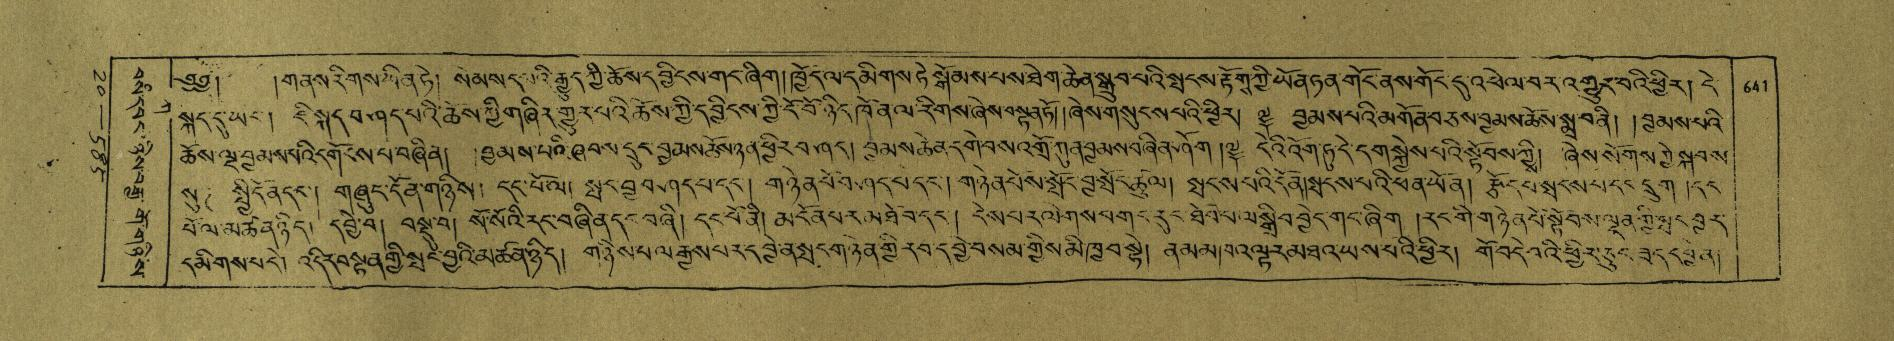༄༅། །གནས་རིགས་ཡིན་ཏེ། སེམས་དཔའི་རྒྱུད་ཀྱི་ཆོས་དབྱིངས་གང་ཞིག། ཁྱོད་ལ་དམིགས་ཏེ་སྒོམས་པས་ཐེག་ཆེན་སྒྲུབ་པའི་སྤངས་རྟོགས་ཀྱི་ཡོན་ཏན་གོང་ནས་གོང་དུ་འཕེལ་བར་འགྱུར་བའི་ཕྱིར། དེ་
སྐད་དུ་ཡང་། ཇི་སྐད་བཤད་པའི་ཆོས་ཀྱི་གཞིར་གྱུར་པའི་ཆོས་ཀྱི་དབྱིངས་ཀྱི་ངོ་བོ་ཉིད་ཁོ་ན་ལ་རིགས་ཞེས་བསྟན་ཏོ། །ཞེས་གསུངས་པའི་ཕྱིར། ༈ བྱམས་པའི་མགོན་བཅས་བྱམས་ཆོས་སྨྲ་བ་ནི། །བྱམས་པའི་
ཆོས་ལྔ་བྱམས་པའི་དགོངས་པ་བཞིན། །བྱམས་པའི་ཞབས་དྲུང་བྱམས་ཆོས་ཉན་ཕྱིར་བཤད། བྱམས་ཆེན་དགེ་བས་འགྲོ་ཀུན་བྱམས་བཞིན་ཤོག། ༈ དེའི་འོག་ཏུ་དེ་དག་སྐྱེས་པའི་སྟོབས་ཀྱིས། ཞེས་སོགས་ཀྱེ་སྐབས་
སུ༑ སྤྱི་དོན་དང་། གཞུང་དོན་གཉིས། དང་པོ་ལ། སྤང་བྱ་བཤད་པ་དང་། གཉེན་པོ་བཤད་པ་དང་། གཉེན་པོས་སྤོང་བྱ་སྤོང་ཚུལ། སྤངས་པའི་དོན། སྤངས་པའི་ཕན་ཡོན། རྩོད་པ་སྤངས་པ་དང་དྲུག །དང་
པོ་ལ་མཚན་ཉིད། དབྱེ་བ། བསྡུ་བ། སོ་སོའི་རང་བཞིན་དང་བཞི། དང་པོ་ནི། མངོན་པར་མཐོ་བ་དང་། ངེས་པར་ལེགས་པ་གང་རུང་ཐོབ་པ་ལ་སྒྲིབ་བྱེད་གང་ཞིག །རང་གི་གཉེན་པོ་སྟོབས་ལྡན་གྱི་སྤང་བྱར་
དམིགས་པ་དེ། འདིར་བསྟན་གྱི་སྤང་བྱའི་མཚན་ཉིད། གཉིས་པ་ལ་རྒྱས་པར་དབྱེ་ན་སྤང་གཉེན་གྱི་རབ་དབྱེ་བསམ་གྱིས་མི་ཁྱབ་སྟེ། ནམ་མཁའ་ལྟར་མཐའ་ཡས་པའི་ཕྱིར། གོ་བདེ་བའི་ཕྱིར་ཅུང་ཟད་དབྱེ་ན།